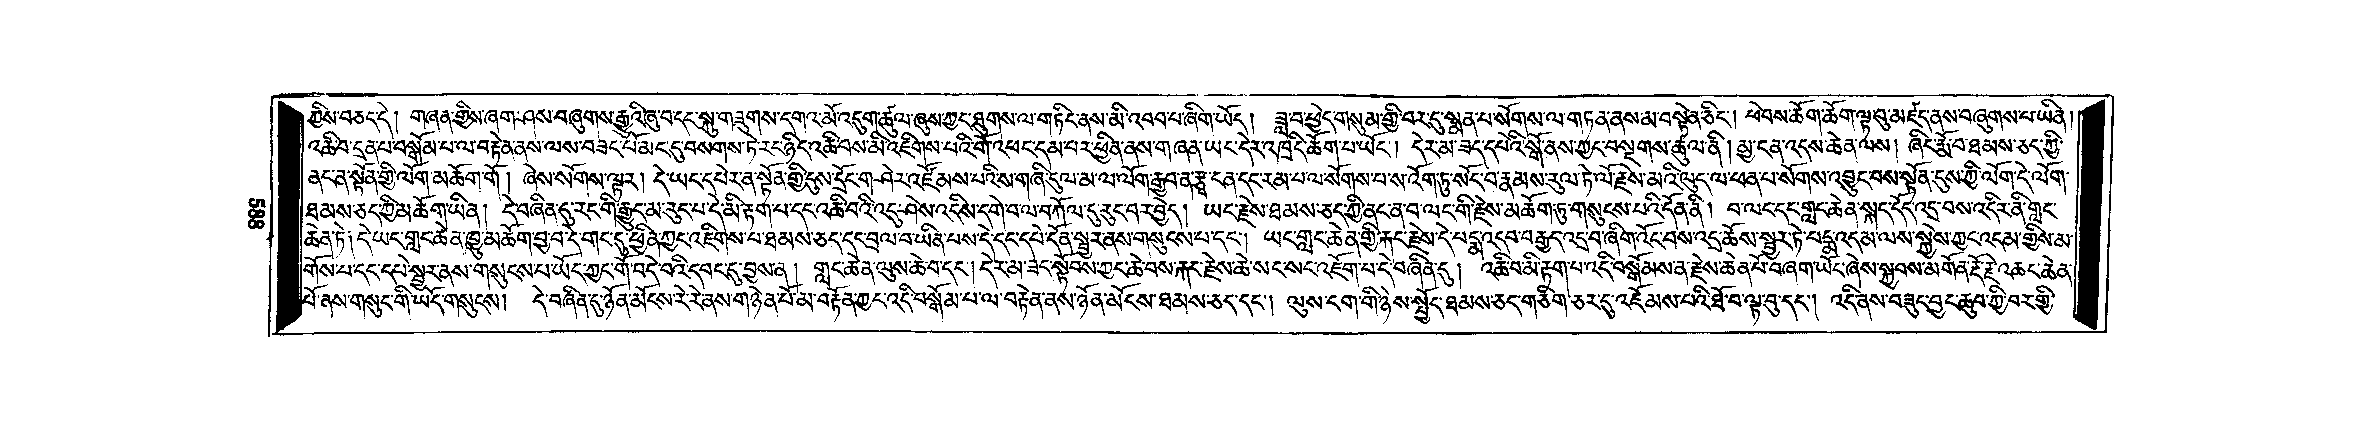ཀྱིས་བཅད་དེ། གཞན་གྱིས་ཞག་ཤས་བཞུགས་རྒྱུའི་ཞུ་བ་དང་སྐུ་གཟུགས་དགའ་མོ་འདུག་ཚུལ་ཞུས་ཀྱང་ཐུགས་ལ་གཏིང་ནས་མི་འབབ་པ་ཞིག་ཡོད། ཟླ་བ་ཕྱེད་གསུམ་གྱི་བར་དུ་སྨན་པ་སོགས་ལ་གཏན་ནས་མ་བསྟེན་ཅིང་། ཕེབས་ཆོག་ཆོག་ལྟ་བུ་མཛད་ནས་བཞུགས་པ་ཡིན།
འཆི་བ་དྲན་པ་བསྒོམ་པ་ལ་བརྟེན་ནས་ལས་བཟང་པོ་མང་དུ་བསགས་ཏེ་རང་ཉིད་འཆི་བས་མི་འཇིགས་པའི་གོ་འཕང་དམ་པར་ཕྱིན་ནས་གཞན་ཡང་དེར་འཁྲིད་ཆོག་པ་ཡོང་། དེར་མ་ཟད་དཔེའི་སྒོ་ནས་ཀྱང་བསྔགས་ཚུལ་ནི། མྱ་ངན་འདས་ཆེན་ལས། ཞིང་རྨོ་བ་ཐམས་ཅད་ཀྱི་
ནང་ན་སྟོན་གྱི་ལོག་མཆོག་གོ །ཞེས་སོགས་ལྟར། དེ་ཡང་དཔེར་ན་སྟོན་གྱི་དུས་དྲོང་གཤེར་འཛོམས་པའི་ས་གཞི་དུལ་མ་ལ་ལོག་རྒྱབ་ན་རྩྭ་ངན་དང་རམ་པ་ལ་སོགས་པ་ས་འོག་ཏུ་སོང་བ་རྣམས་རུལ་ཏེ་ལོ་རྗེས་མའི་ལུད་ལ་ཕན་པ་སོགས་འབྱུང་བས་སྟོན་དུས་ཀྱི་ལོག་དེ་ལོག་
ཐམས་ཅད་ཀྱི་མཆོག་ཡིན། དེ་བཞིན་དུ་རང་གི་རྒྱུད་མ་རུང་པ་དེ་མི་རྟག་པ་དང་འཆི་བའི་འདུ་ཤེས་འདིས་དགེ་བ་ལ་བཀོལ་དུ་རུང་བར་བྱེད། ཡང་རྗེས་ཐམས་ཅད་ཀྱི་ནང་ན་བ་ལང་གི་རྗེས་མཆོག་ཏུ་གསུངས་པའི་དོན་ནི། བ་ལང་དང་གླང་ཆེན་སྐད་དོད་འདྲ་བས་འདིར་ནི་གླང་
ཆེན་ཏེ། དེ་ཡང་གླང་ཆེན་ཁྱུ་མཆོག་བྱ་བ་དེ་གང་དུ་ཕྱིན་ཀྱང་འཇིགས་པ་ཐམས་ཅད་དང་བྲལ་བ་ཡིན་པས་དེ་དང་དཔེ་དོན་སྦྱར་ནས་གསུངས་པ་དང་། ཡང་གླང་ཆེན་གྱི་རྐང་རྗེས་དེ་པདམ་འདབ་བརྒྱད་འདྲ་བ་ཞིག་འོང་བས་འདྲ་ཆོས་སྦྱར་ཏེ་པདམ་འདམ་ལས་སྐྱེས་ཀྱང་འདམ་གྱིས་མ་
གོས་པ་དང་དཔེ་སྦྱར་ནས་གསུངས་པ་ཡོད་ཀྱང་གོ་བདེ་བའི་དབང་དུ་བྱས་ན། གླང་ཆེན་ལུས་ཆེ་བ་དང་། དེར་མ་ཟད་སྟོབས་ཀྱང་ཆེ་བས་རྐང་རྗེས་ཆེ་སང་སང་འཇོག་པ་དེ་བཞིན་དུ། འཆི་བ་མི་རྟག་པ་འདི་བསྒོམས་ན་རྗེས་ཆེན་པོ་བཞག་ཡོང་ཞེས་སྐྱབས་མགོན་རྡོ་རྗེ་འཆང་ཆེན་
པོ་ནས་གསུང་གི་ཡོད་གསུངས། དེ་བཞིན་དུ་ཉོན་མོངས་རེ་རེ་ནས་གཉེན་པོ་མ་བརྟོན་ཀྱང་འདི་བསྒོམ་པ་ལ་བརྟེན་ནས་ཉོན་མོངས་ཐམས་ཅད་དང་། ལུས་ངག་གི་ཉེས་སྤྱོད་ཐམས་ཅད་གཅིག་ཅར་དུ་འཇོམས་པའི་ཐོ་བ་ལྟ་བུ་དང་། འདི་ནས་བཟུང་བྱང་ཆུབ་ཀྱི་བར་གྱི་